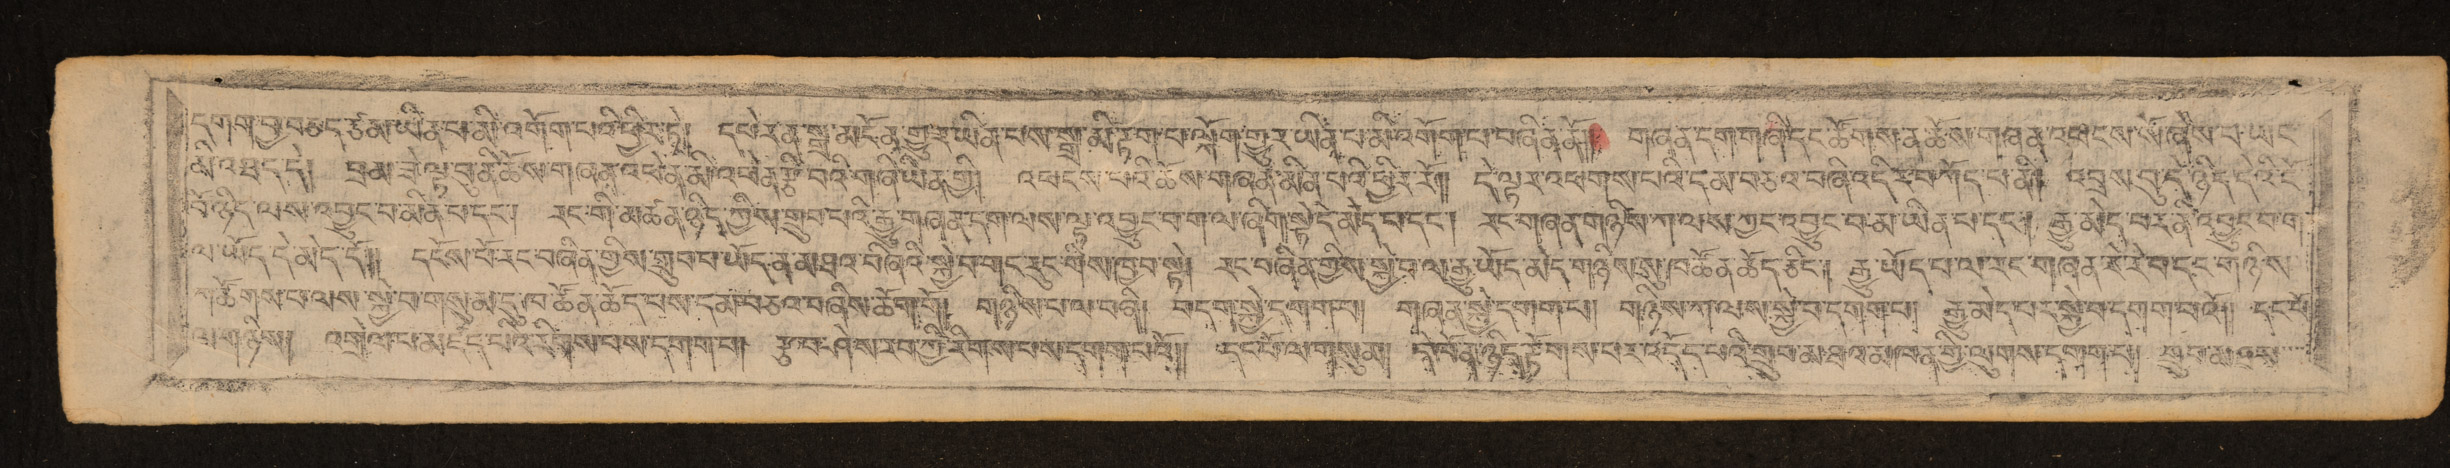དགག་བྱ་བཅད་ཙམ་ཡིན་པ་མི་འགོག་པའི་ཕྱིར་ཏེ། དཔེར་ན་སྒྲ་མངོན་གྱུར་ཡིན་པས་སྒྲ་མི་རྟག་པ་ལྐོག་གྱུར་ཡིན་པ་མི་འགོག་པ་བཞིན་ནོ།། གཞན་དག་གཞི་དང་ཚོགས་ན་ཆོས་གཞན་འཕངས་སོ་ཞེས་པ་ཡང་
མི་འཐད་དེ། བྲམ་ཟེ་ལྟ་བུ་ནི་ཆོས་གཞན་འཕེན་མི་འཕེན་རྩི་བའི་གཞི་ཡིན་གྱི། འཕངས་པའི་ཆོས་གཞན་མིན་པའི་ཕྱིར་རོ།། དེ་ལྟར་འཕགས་པའི་དམ་བཅའ་གཞི་འདིར་བཀོད་པ་ནི། འབྲས་བུ་དེ་ཉིད་དེའི་ངོ་
བོ་ཉིད་ལས་འབྱུང་བ་མིན་པ་དང་། རང་གི་མཚན་ཉིད་ཀྱིས་གྲུབ་པའི་རྒྱུ་གཞན་དག་ལས་ལྟ་འབྱུང་བ་ག་ལ་ཞིག་སྟེ་དེ་མེད་པ་དང་། རང་གཞན་གཉིས་ཀ་ལས་ཀྱང་འབྱུང་བ་མ་ཡིན་པ་དང་། རྒྱུ་མེད་པར་ནི་འབྱུང་བ་ག་
ལ་ཡོད་དེ་མེད་དོ།། དངོས་པོ་རང་བཞིན་གྱིས་གྲུབ་པ་ཡོད་ན་མཐའ་བཞིའི་སྐྱེ་བ་གང་རུང་གིས་ཁྱབ་སྟེ། རང་བཞིན་གྱིས་སྐྱེ་བ་ལ་རྒྱུ་ཡོད་མེད་གཉིས་སུ་ཁ་ཚོན་ཆོད་ཅིང་། རྒྱུ་ཡོད་པ་ལ་རང་གཞན་རེ་རེ་བ་དང་གཉིས་
ཀ་ཚོགས་པ་ལས་སྐྱེ་བ་གསུམ་དུ་ཁ་ཚོན་ཆོད་པས་དམ་བཅའ་བཞིས་ཆོག་གོ། གཉིས་པ་ལ་བཞི། བདག་སྐྱེ་དགག་པ། གཞན་སྐྱེ་དགག་པ། གཉིས་ཀ་ལས་སྐྱེ་བ་དགག་པ། རྒྱུ་མེད་པར་སྐྱེ་བ་དགག་པའོ།། དང་པོ་
ལ་གཉིས། འགྲེལ་པ་མཛད་པའི་རིགས་པས་དགག་པ། རྩ་བ་ཤེས་རབ་ཀྱི་རིགས་པས་དགག་པའོ།། དང་པོ་ལ་གསུམ། དེ་ཁོ་ན་ཉིད་རྟོགས་པར་འདོད་པའི་གྲུབ་མཐའ་མཁན་གྱི་ལུགས་དགག་པ། གྲུབ་མཐས་